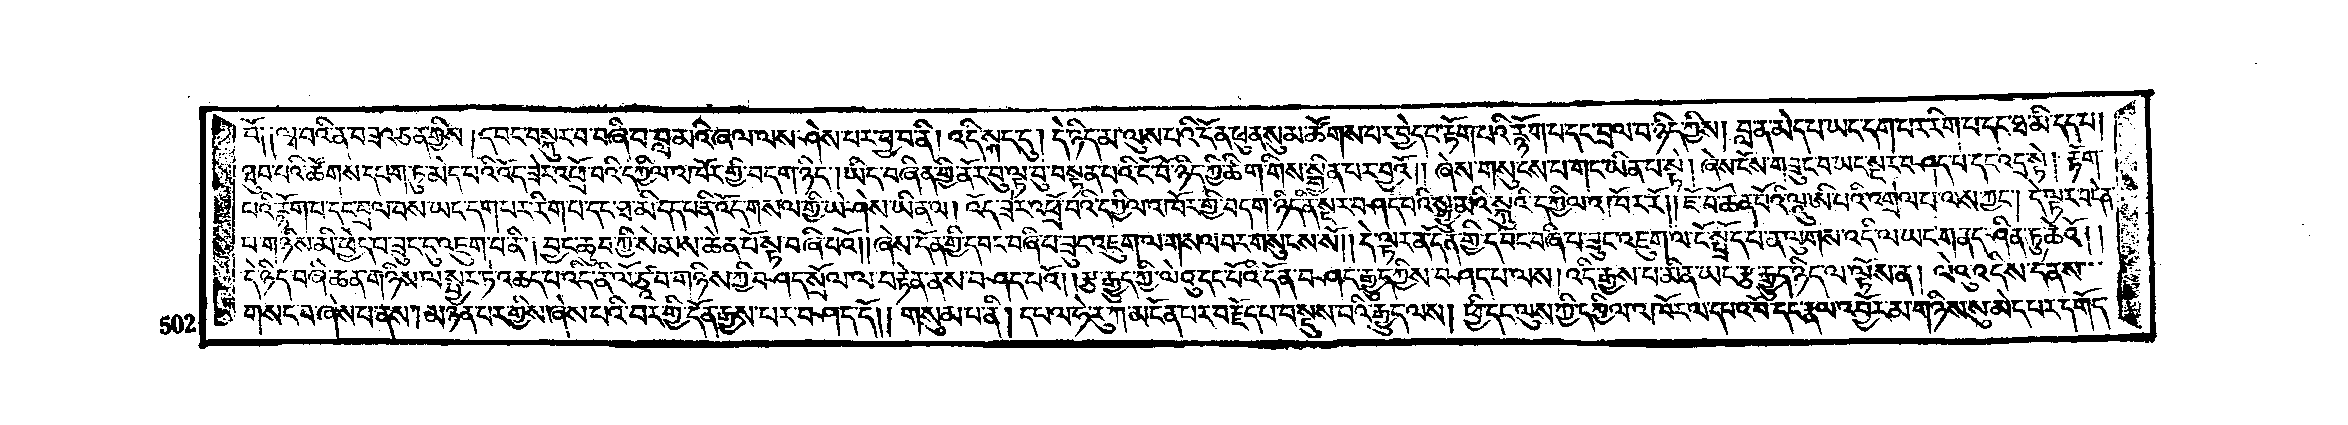བོ། །ལྭ་བའི་ན་བཟའ་ཅན་གྱིས། དབང་བསྐུར་བ་བཞི་པ་བླ་མའི་ཞལ་ལས་ཤེས་པར་བྱ་བ་ནི། འདི་སྐད་དུ། དེ་ཉིད་མ་ལུས་པའི་དོན་ཕུན་སུམ་ཚོགས་པར་བྱེད་པ་རྟོག་པའི་རྙོག་པ་དང་བྲལ་བ་ཉིད་ཀྱིས། བླ་ན་མེད་པ་ཡང་དག་པར་རིག་པ་དང་ཐ་མི་དད་པ།
ཐུབ་པའི་ཚོགས་དཔག་ཏུ་མེད་པའི་འོད་ཟེར་འཕྲོ་བའི་དཀྱིལ་འཁོར་གྱི་བདག་ཉིད། ཡིད་བཞིན་གྱི་ནོར་བུ་ལྟ་བུ་བསྟན་པའི་ངོ་བོ་ཉིད་ཀྱི་ཚིག་གིས་སྦྱིན་པར་བྱའོ། །ཞེས་གསུངས་པ་གང་ཡིན་པ་སྟེ། ཞེས་ངོས་གཟུང་བ་ཡང་སྔར་བཤད་པ་དང་འདྲ་སྟེ། རྟོག་
པའི་རྙོག་པ་དང་བྲལ་བས་ཡང་དག་པར་རིག་པ་དང་ཐ་མི་དད་པ་ནི་འོད་གསལ་གྱི་ཡེ་ཤེས་ཡིན་ལ། འོད་ཟེར་འཕྲོ་བའི་དཀྱིལ་འཁོར་གྱི་བདག་ཉིད་ནི་སྔར་བཤད་པའི་སྒྱུ་མའི་སྐུའི་དཀྱིལ་འཁོར་རོ། །ཇོ་བོ་ཆེན་པོའི་ལཱུ་ཨི་པའི་འགྲེལ་པ་ལས་ཀྱང་། དེ་ལྟར་བདེན་
པ་གཉིས་མི་ཕྱེད་པ་ཟུང་དུ་འཇུག་པ་ནི། བྱང་ཆུབ་ཀྱི་སེམས་ཆེན་པོ་སྟེ་བཞི་པའོ། །ཞེས་དོན་གྱི་དབང་བཞི་པ་ཟུང་འཇུག་ལ་གསལ་བར་གསུངས་སོ། །དེ་ལྟར་ན་དོན་གྱི་དབང་བཞི་པ་ཟུང་འཇུག་ལ་ངོ་སྤྲོད་པ་ན་ལུགས་འདི་ལ་ཡང་གནད་ཤིན་ཏུ་ཆེའོ། །
དེ་ཉིད་བཞི་ཚན་གཉིས་ལ་སྦྱར་ཏེ་འཆད་པ་འདི་ནི་ལོ་ཙཱ་བ་གཉིས་ཀྱི་བཤད་སྲོལ་ལ་བརྟེན་ནས་བཤད་པའོ། །རྩ་རྒྱུད་ཀྱི་ལེའུ་དང་པོའི་དོན་བཤད་རྒྱུད་ཀྱིས་བཤད་པ་ལས། འདི་རྒྱས་པ་མིན་ཡང་རྩ་རྒྱུད་ཉིད་ལ་ལྟོས་ན། ལེའུ་འདིས་དེ་ནས་
གསང་བ་ཞེས་པ་ནས། མཉན་པར་གྱིས་ཞེས་པའི་བར་གྱི་དོན་རྒྱས་པར་བཤད་དོ། །གསུམ་པ་ནི། དཔལ་ཧེ་རུ་ཀ་མངོན་པར་བརྗོད་པ་བསྡུས་པའི་རྒྱུད་ལས། ཕྱི་དང་ལུས་ཀྱི་དཀྱིལ་འཁོར་ལ་དཔའ་བོ་དང་རྣལ་འབྱོར་མ་གཉིས་སུ་མེད་པར་དགོད་